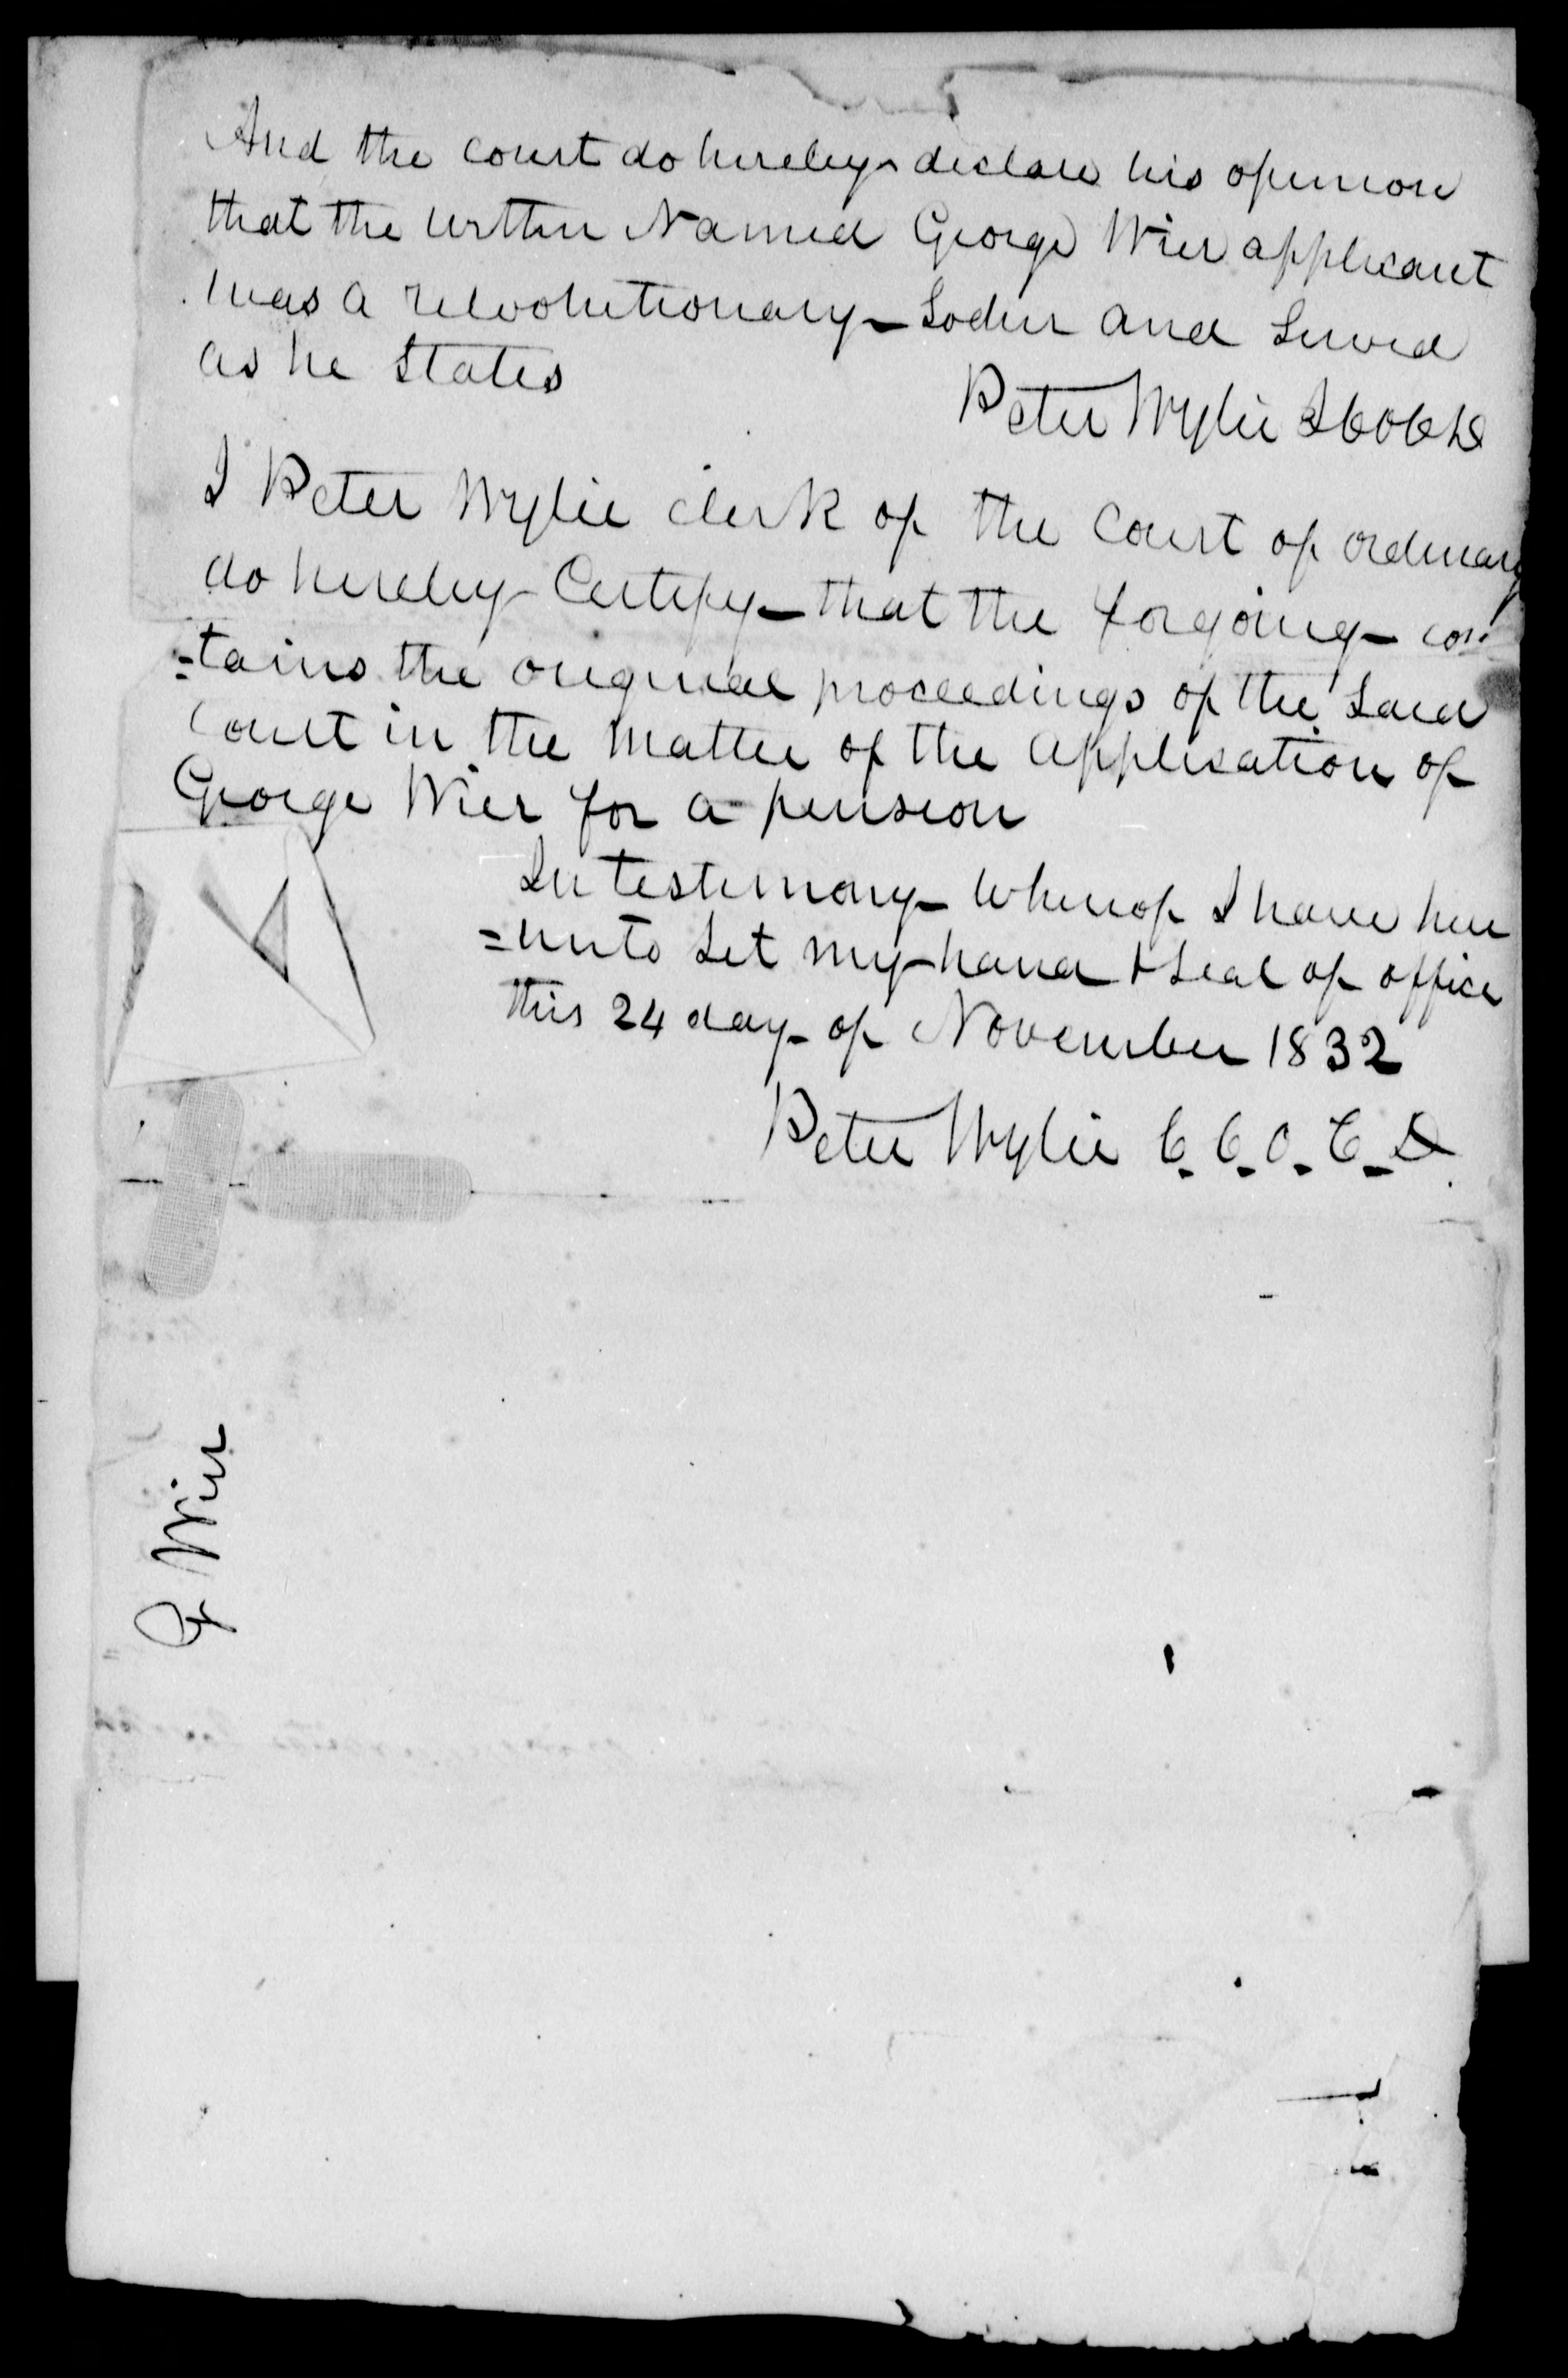And the Court do hereby declare his opinion that the within Named George Wier applicant was a revolutionary Soldier and served as he states
Peter Wylie J C O C D

I, Peter Wylie Clerk of the Court of ordinary do hereby certify that the forgoing contains the original proceedings of the said Court in the matter of the application of George Wier for a pension

In testimony whereof I have here unto set my hand & seal of office this 24 day of November 1832
Peter Wylie C.C.O.C.D.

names: George Wier, Peter Wylie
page: 7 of 22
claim: survivor's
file: S. 9528, George Weir, S.C.